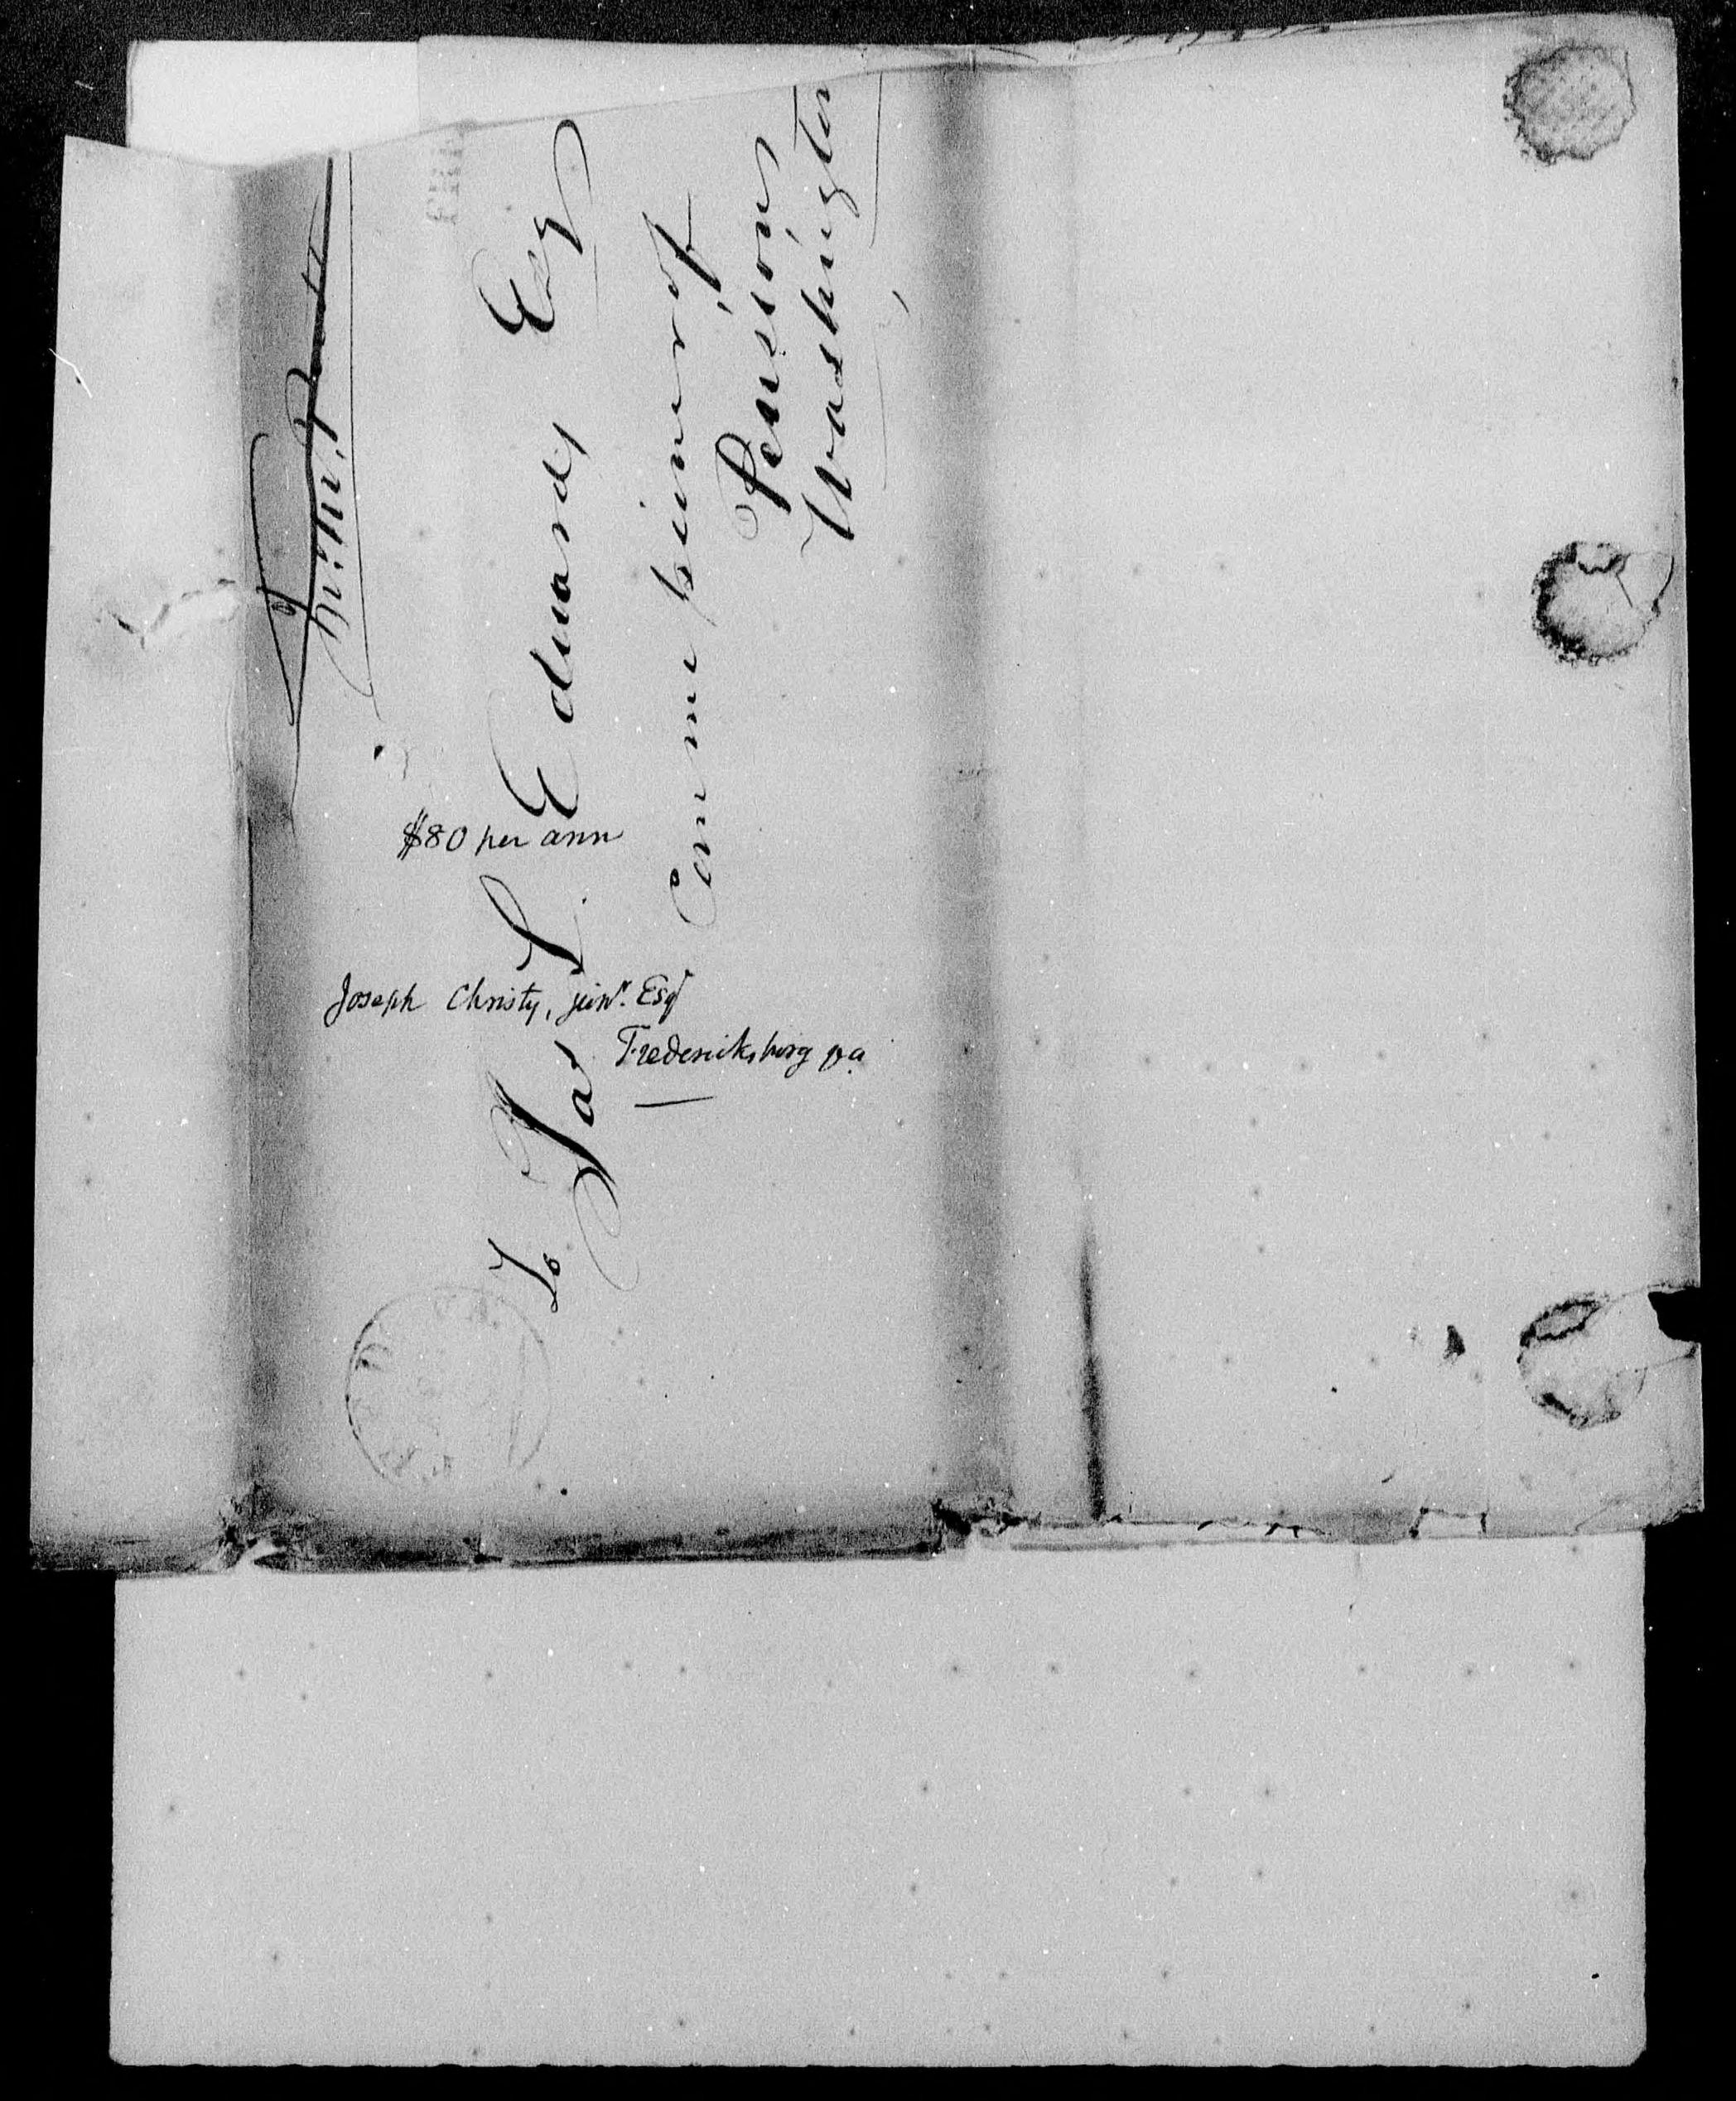$80 per ann
Joseph Christy, junr. Esq
Fredericksburg Va

To Jas. L. Edwards Esq
Commissioner of
Pensions 
Washington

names: Joseph Christy, Jas L Edwards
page: 15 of 27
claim: survivor's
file: S. 1747, Enoch Breeden, Va.